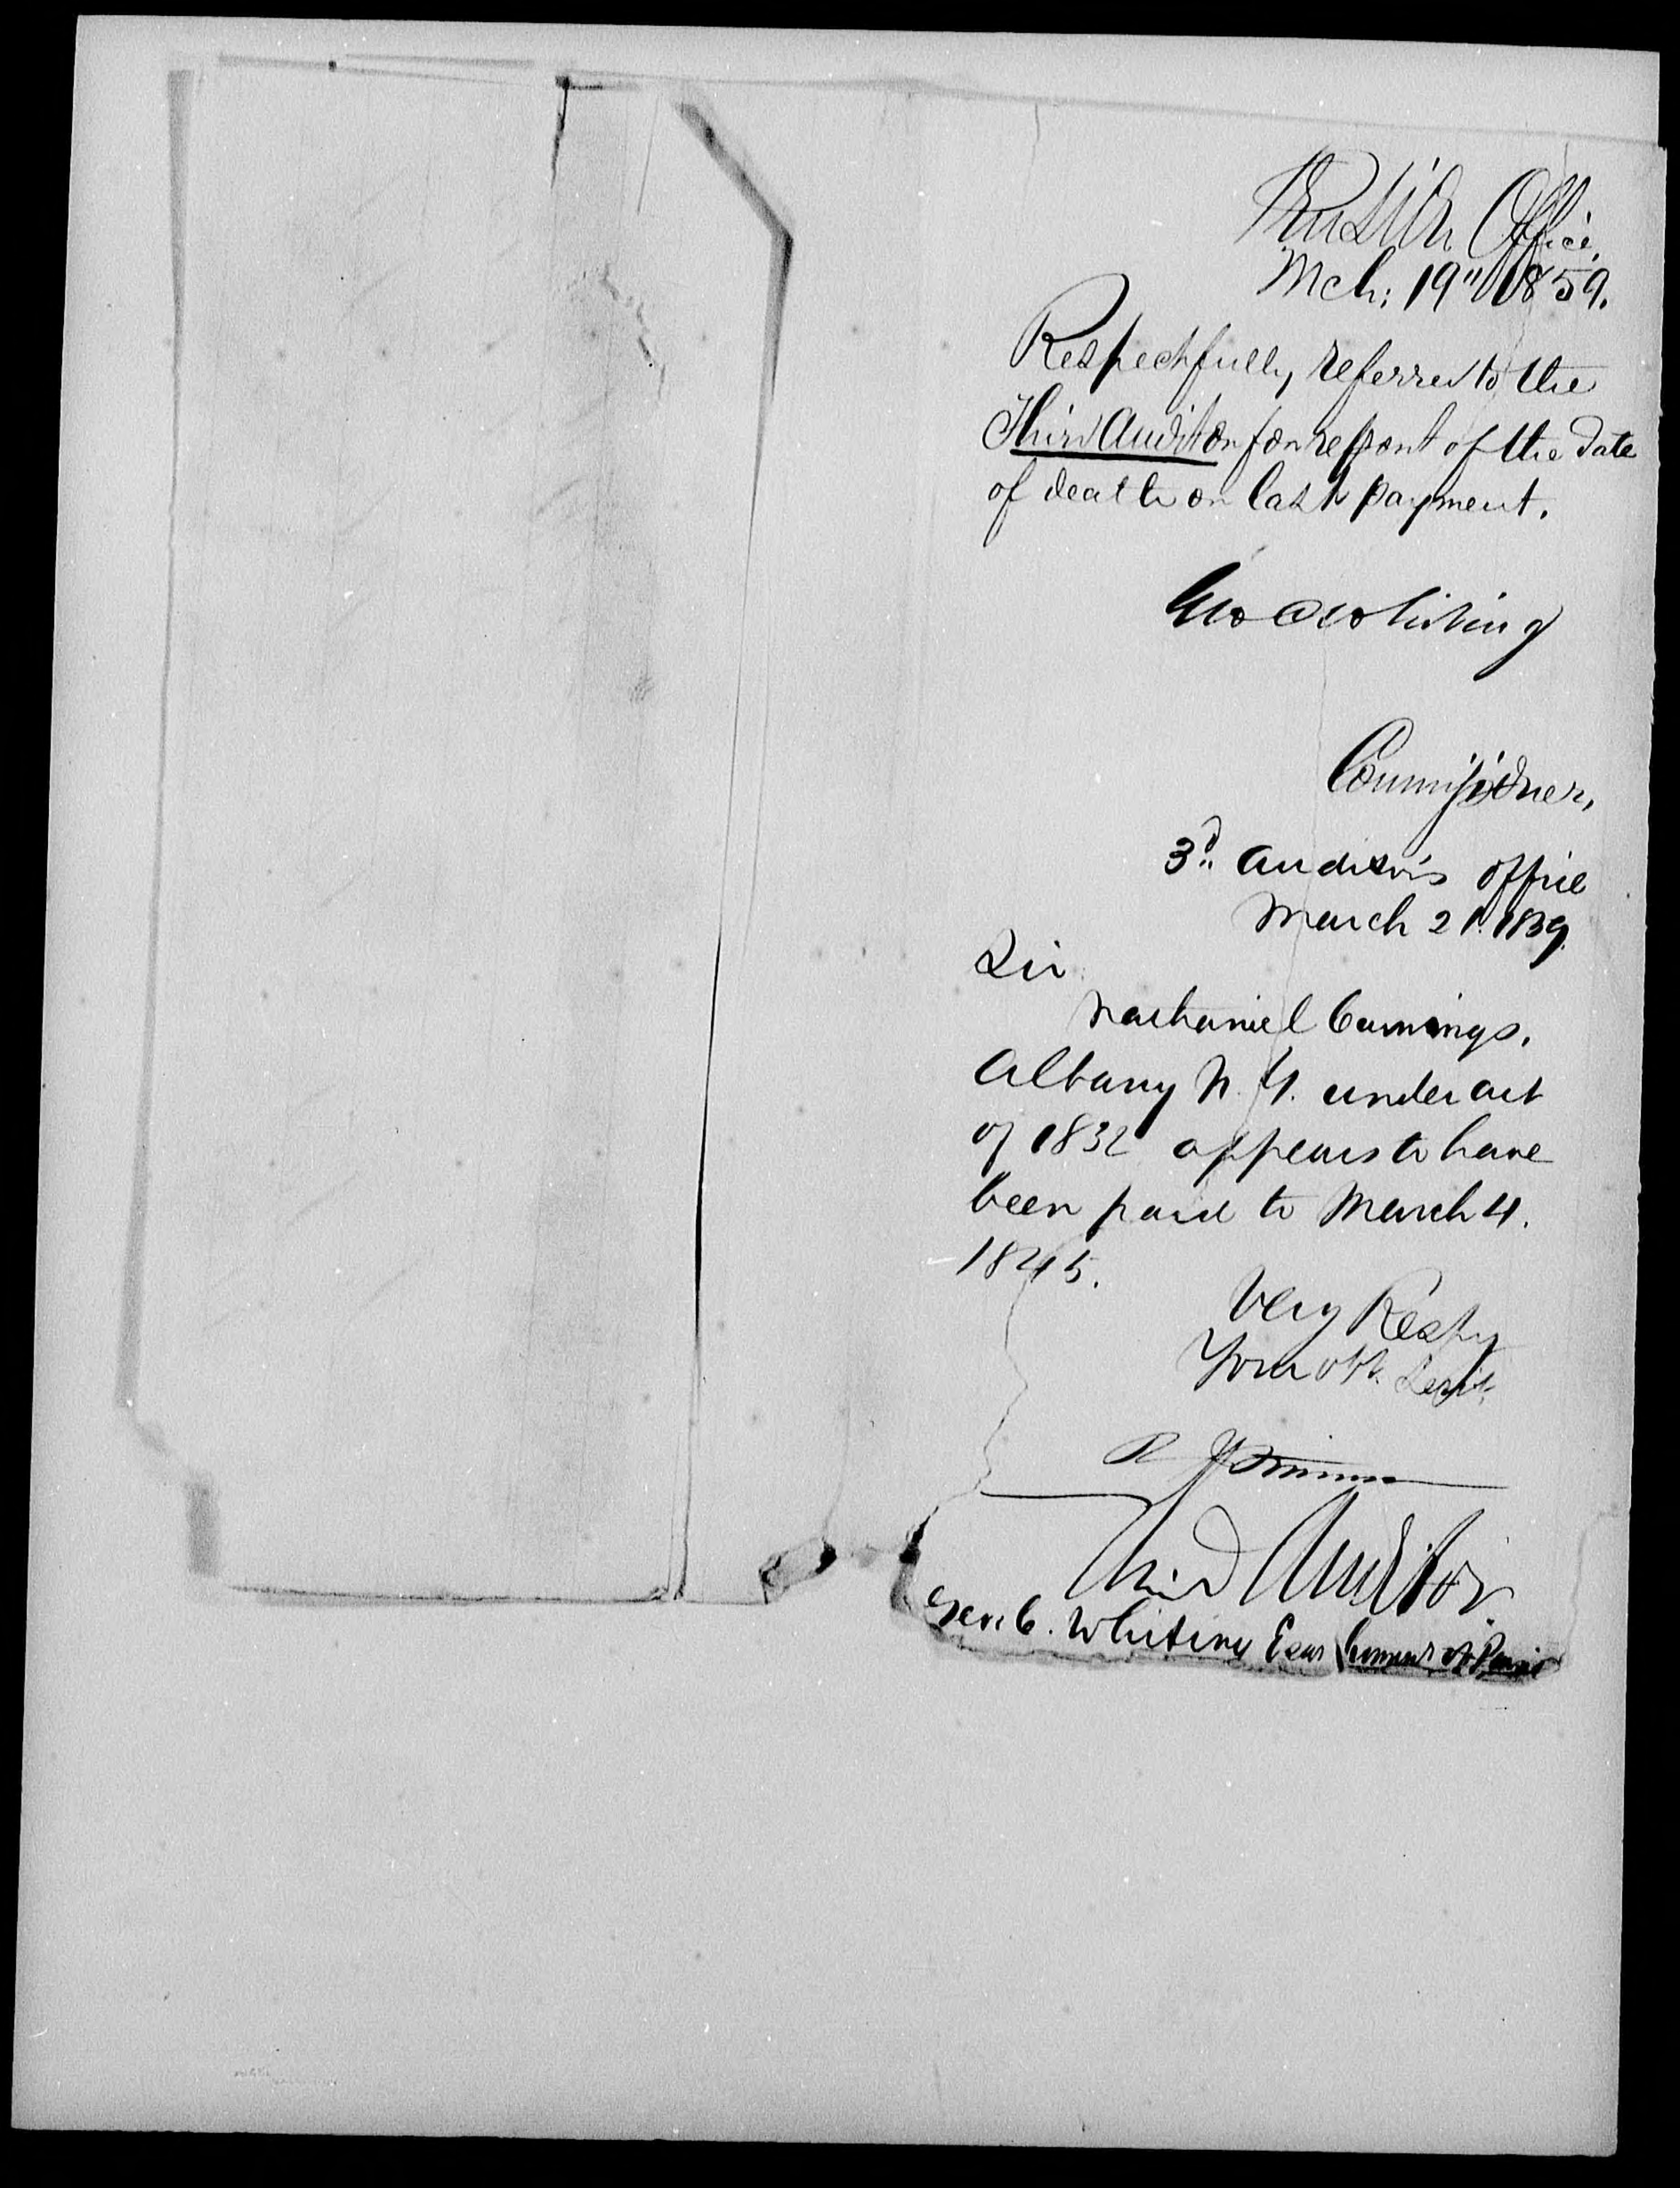Respectfully referred to the
This editor for report of the date
of death or last payment,
Geo C Whiting
Commissioner
3d Auditor's office
Sir
March 21 
Nathaniel Cummings,
Albany N.Y. under act
of 1832 appears to have
been paid to March 4 1845
R Jommin
Auditor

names: Nathaniel Cumings, R Jommin, R Jommin, Geo C Whiting, Geo C Whiting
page: 34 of 41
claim: widow's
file: W. 9819, Nathaniel Cumings, Vt.